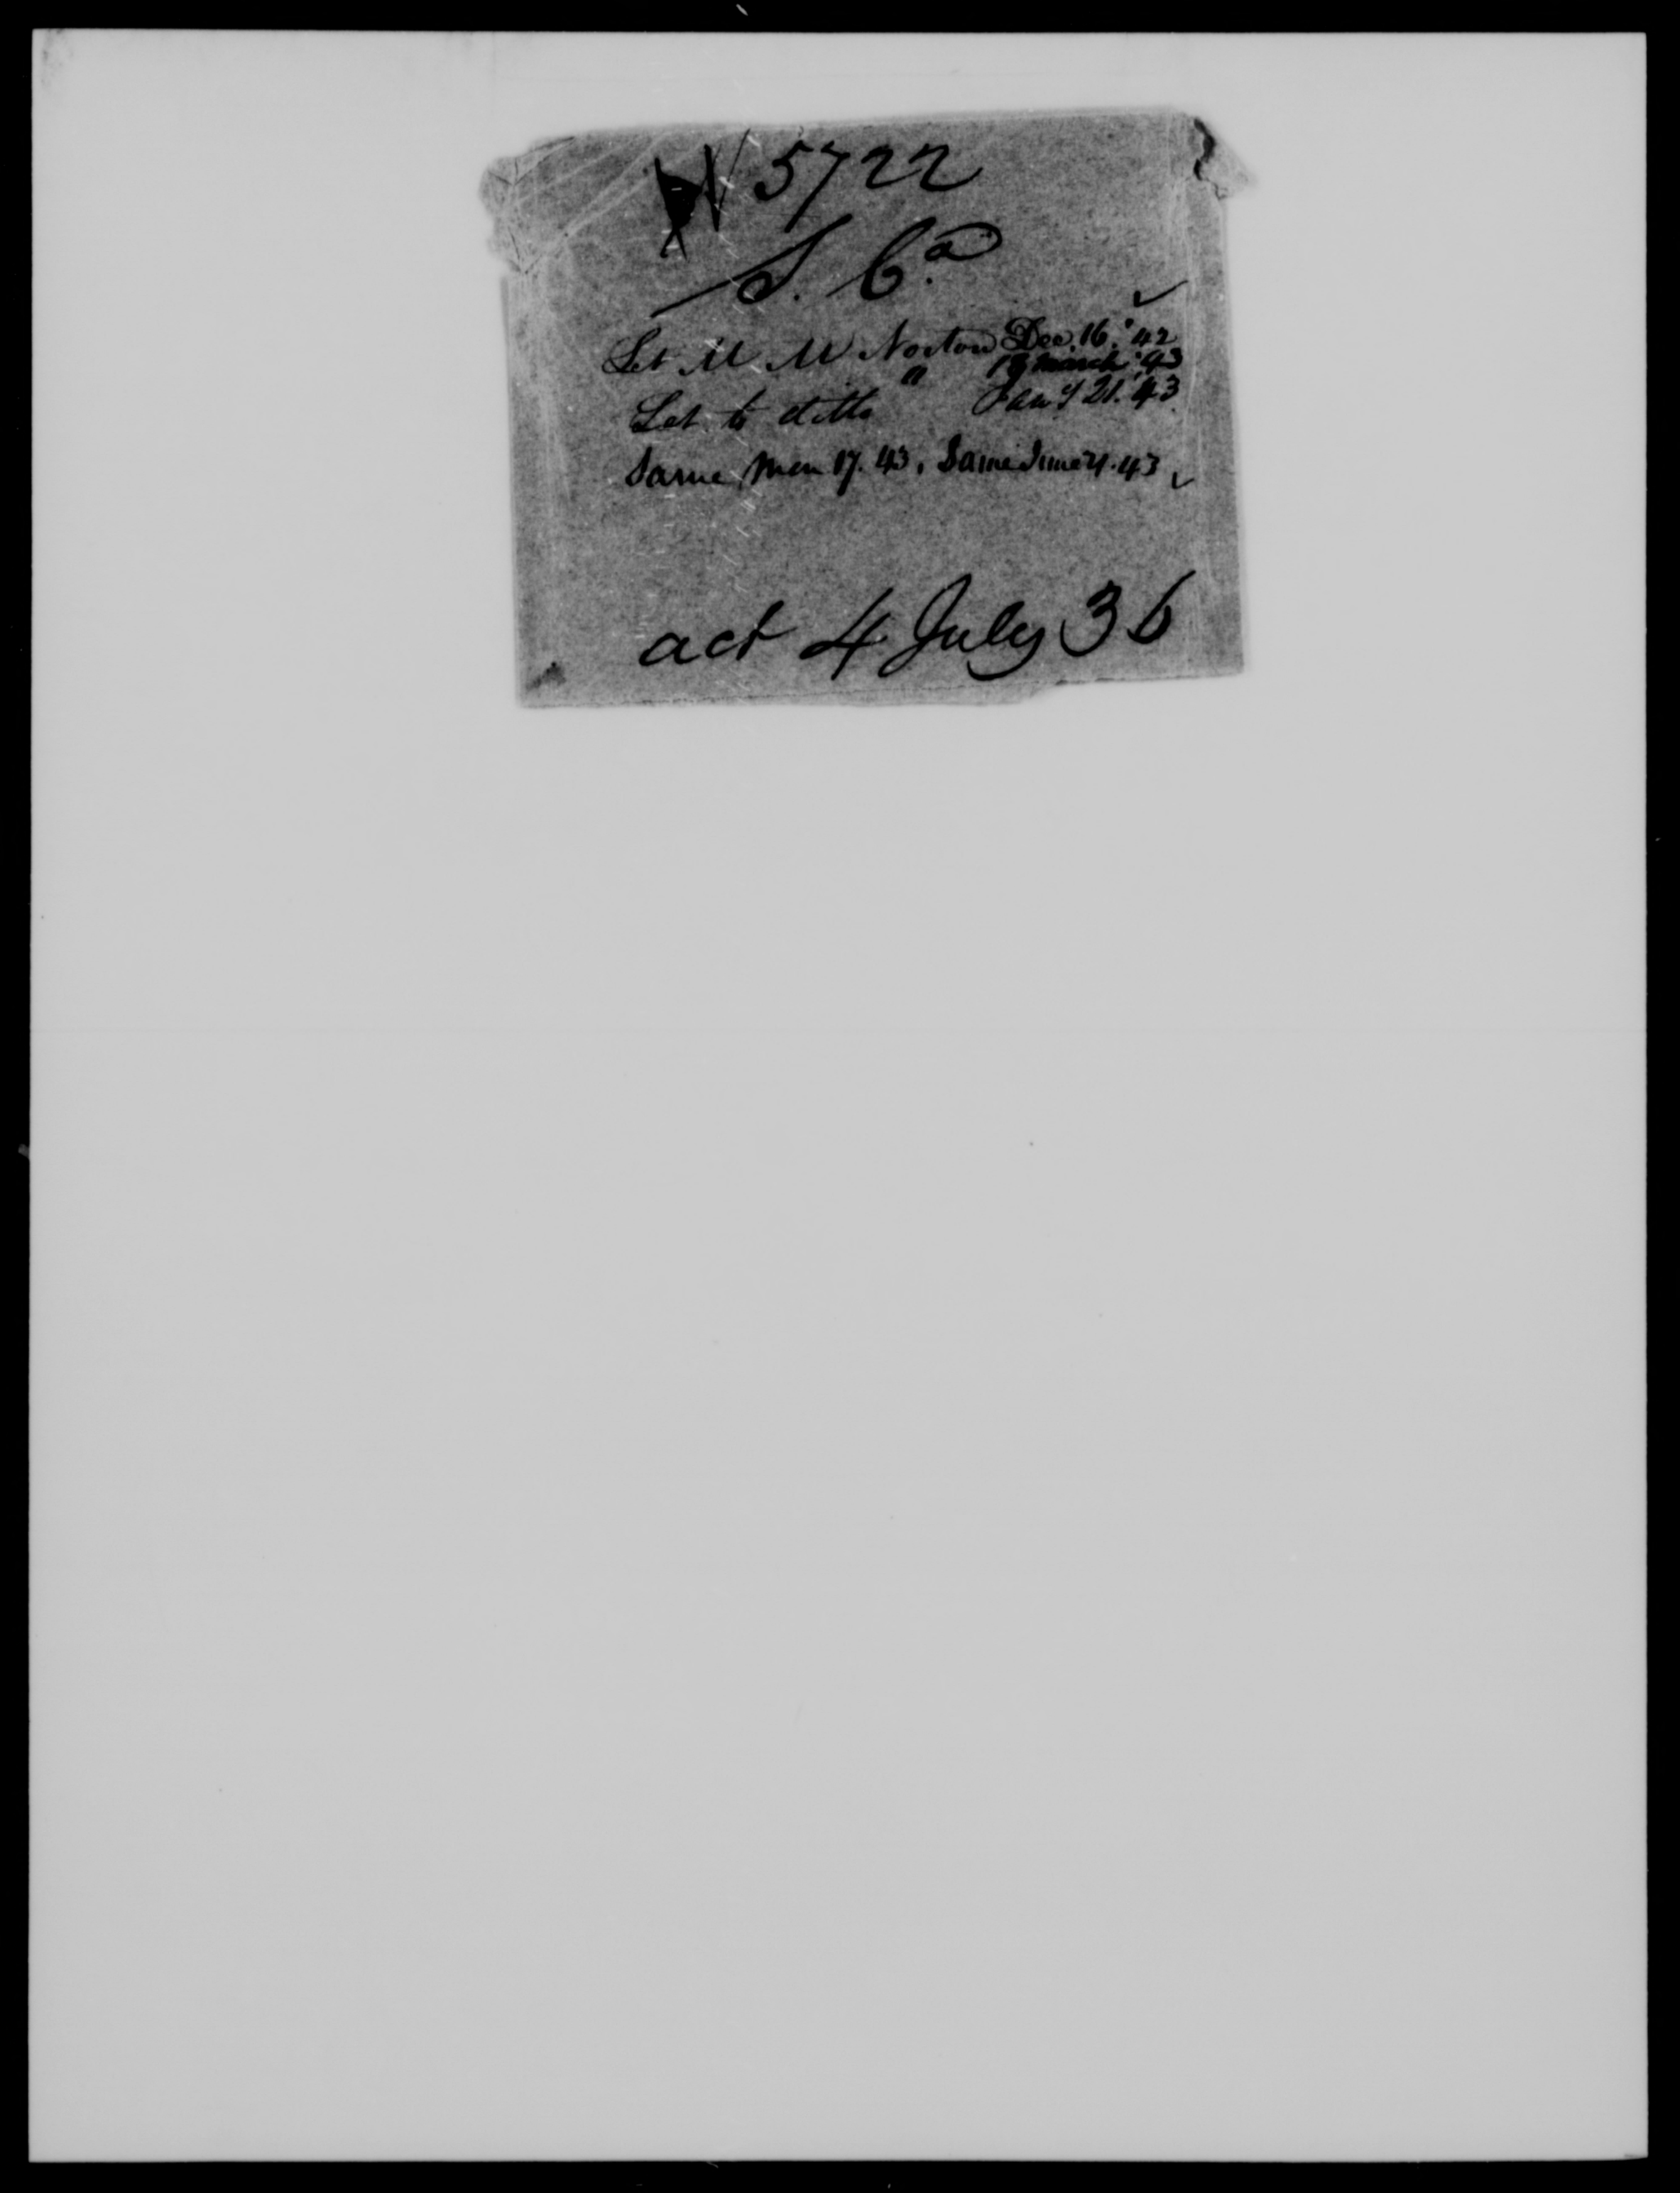5722

S. Ca. [South Carolina]

Let M [Miles] M Norton Dec. 16 '42 [1842]
" 18 March ' 43 [1843]
Let to ditto Jany [January] 21, '43 [1843]
Same Mar 17 43 [1843], Same June 21 43 [1843]

act 4 July 36 [1836]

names: M M Norton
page: 41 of 56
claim: widow's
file: W. 9040, Levi Young, Ga. New Jersey S.C.